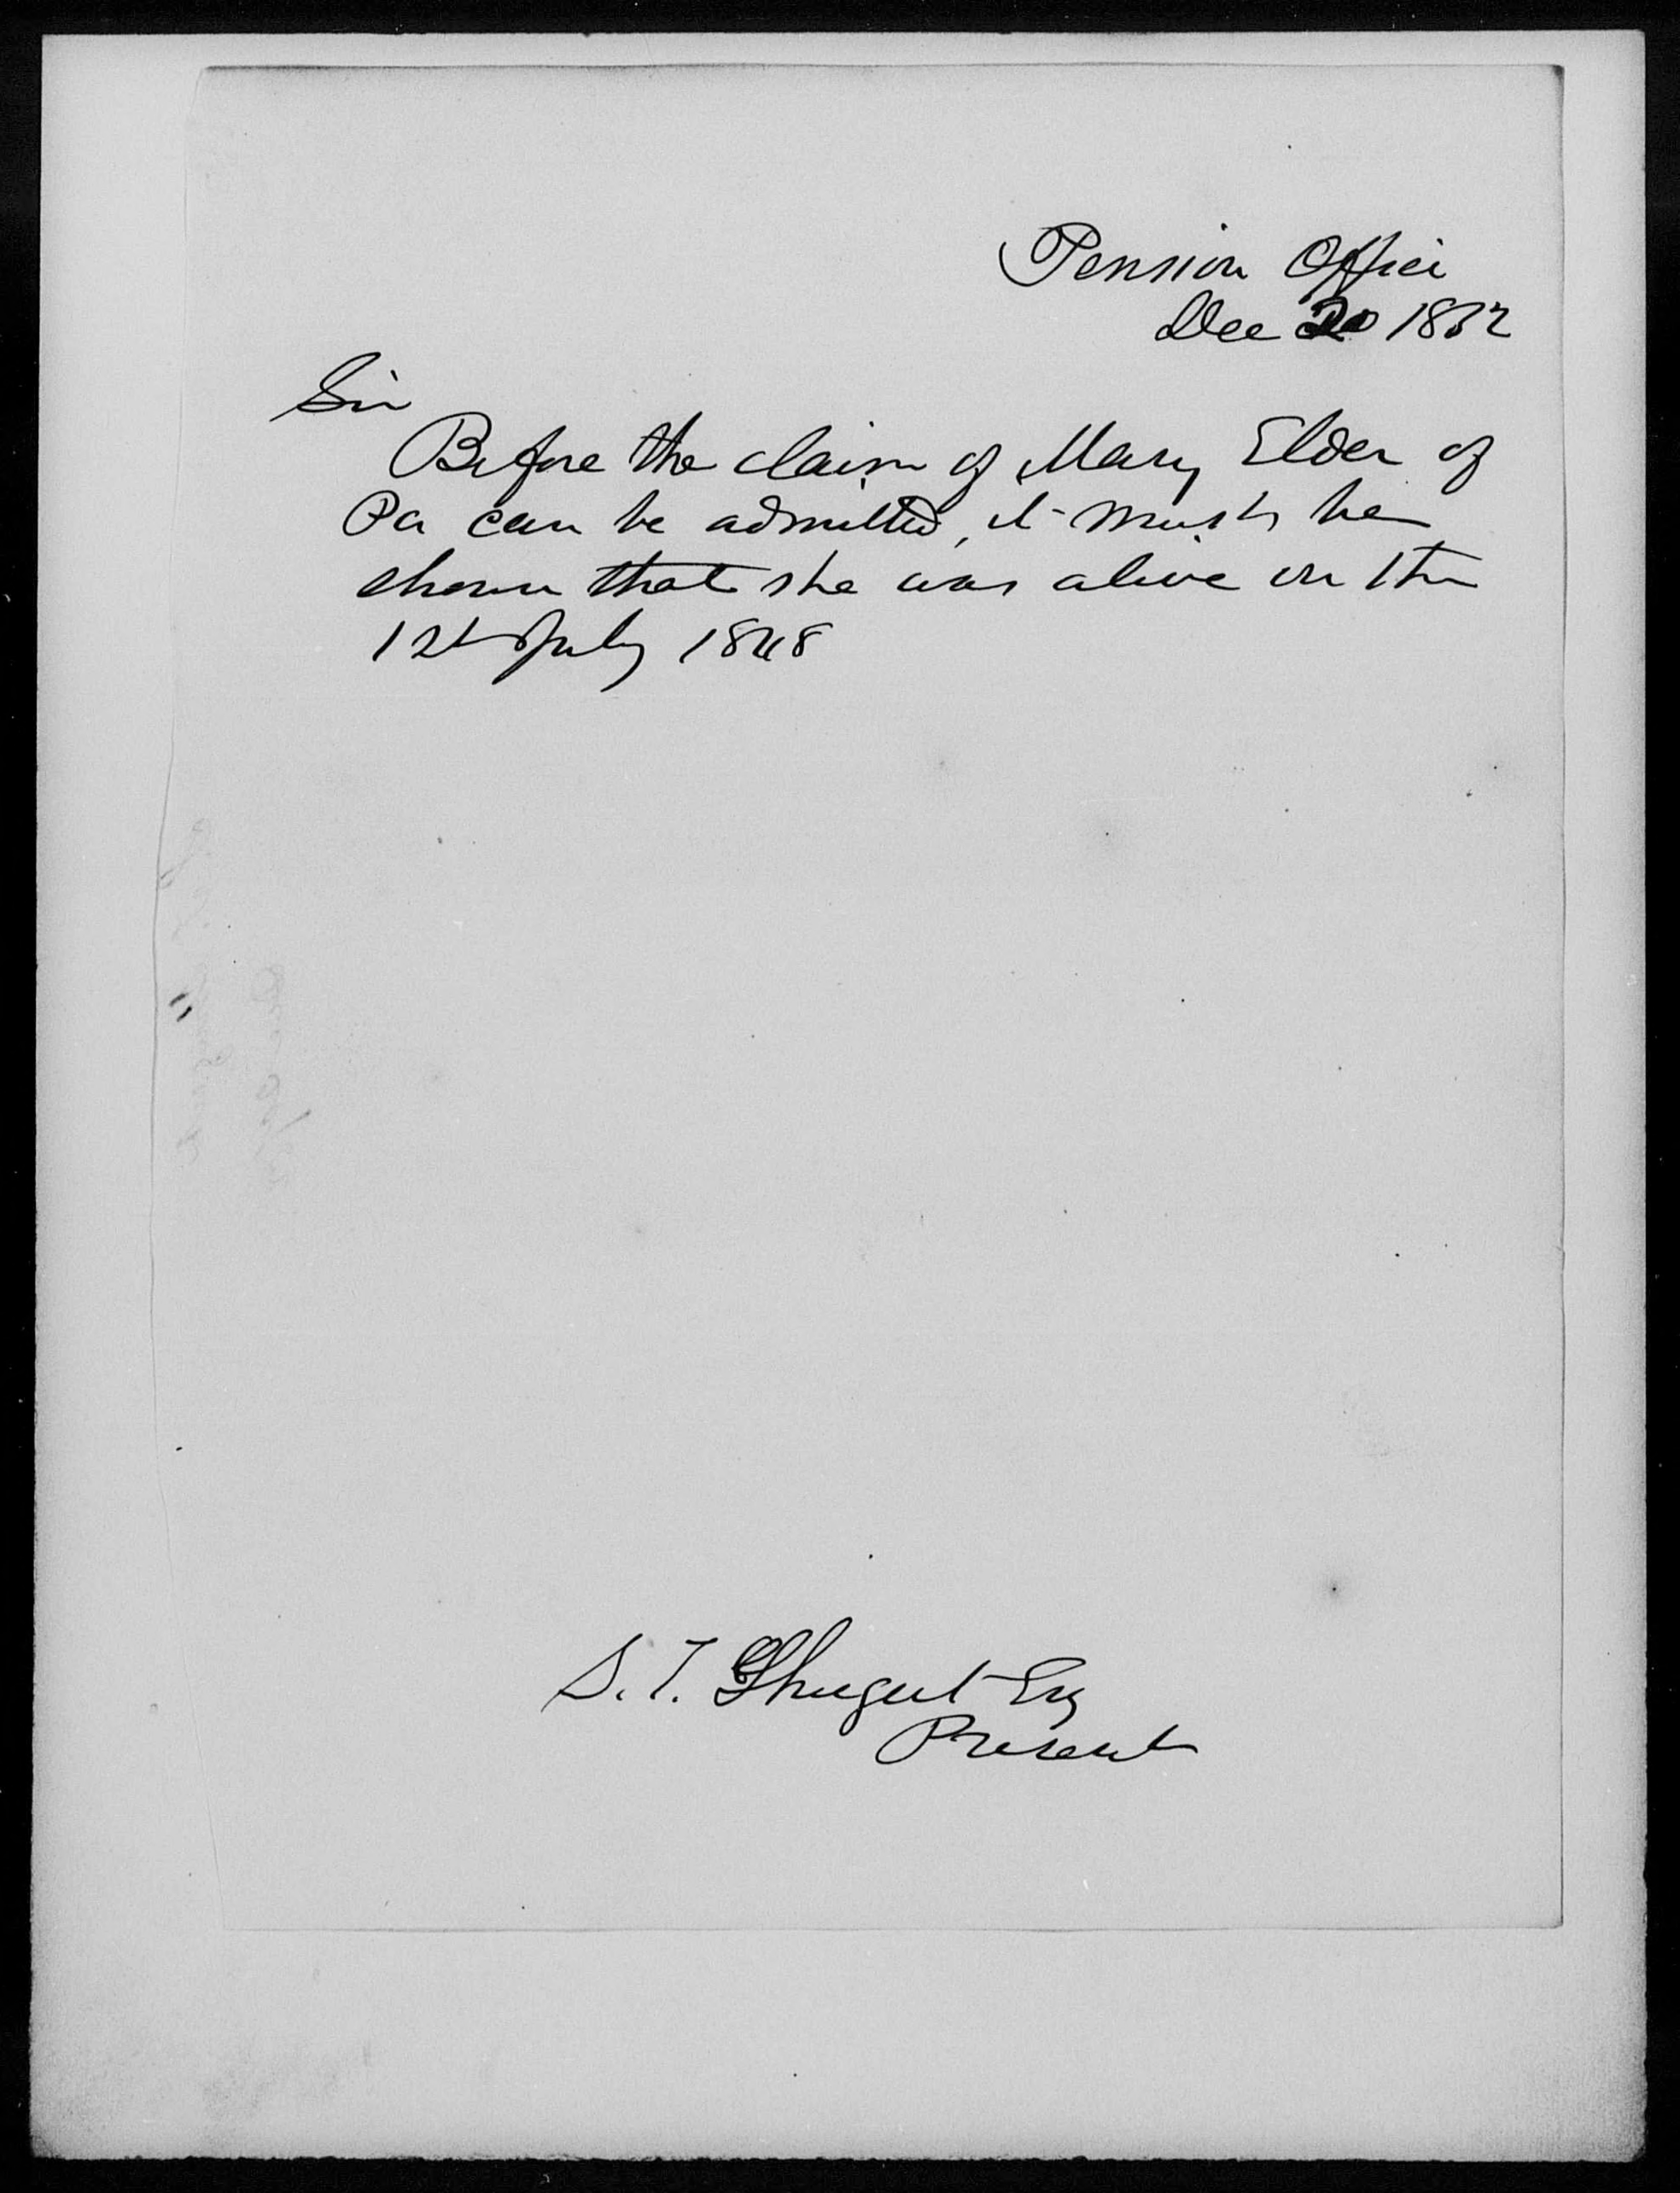Pension Office
Dec 20 1872

Sir
     Before the claim of Mary Elder of Pa can be admitted, it must be shown that she was alive on the 12 July 1848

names: S T Shugert, Mary Elder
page: 39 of 80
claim: widow's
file: W. 24117, John Elder, Penn.